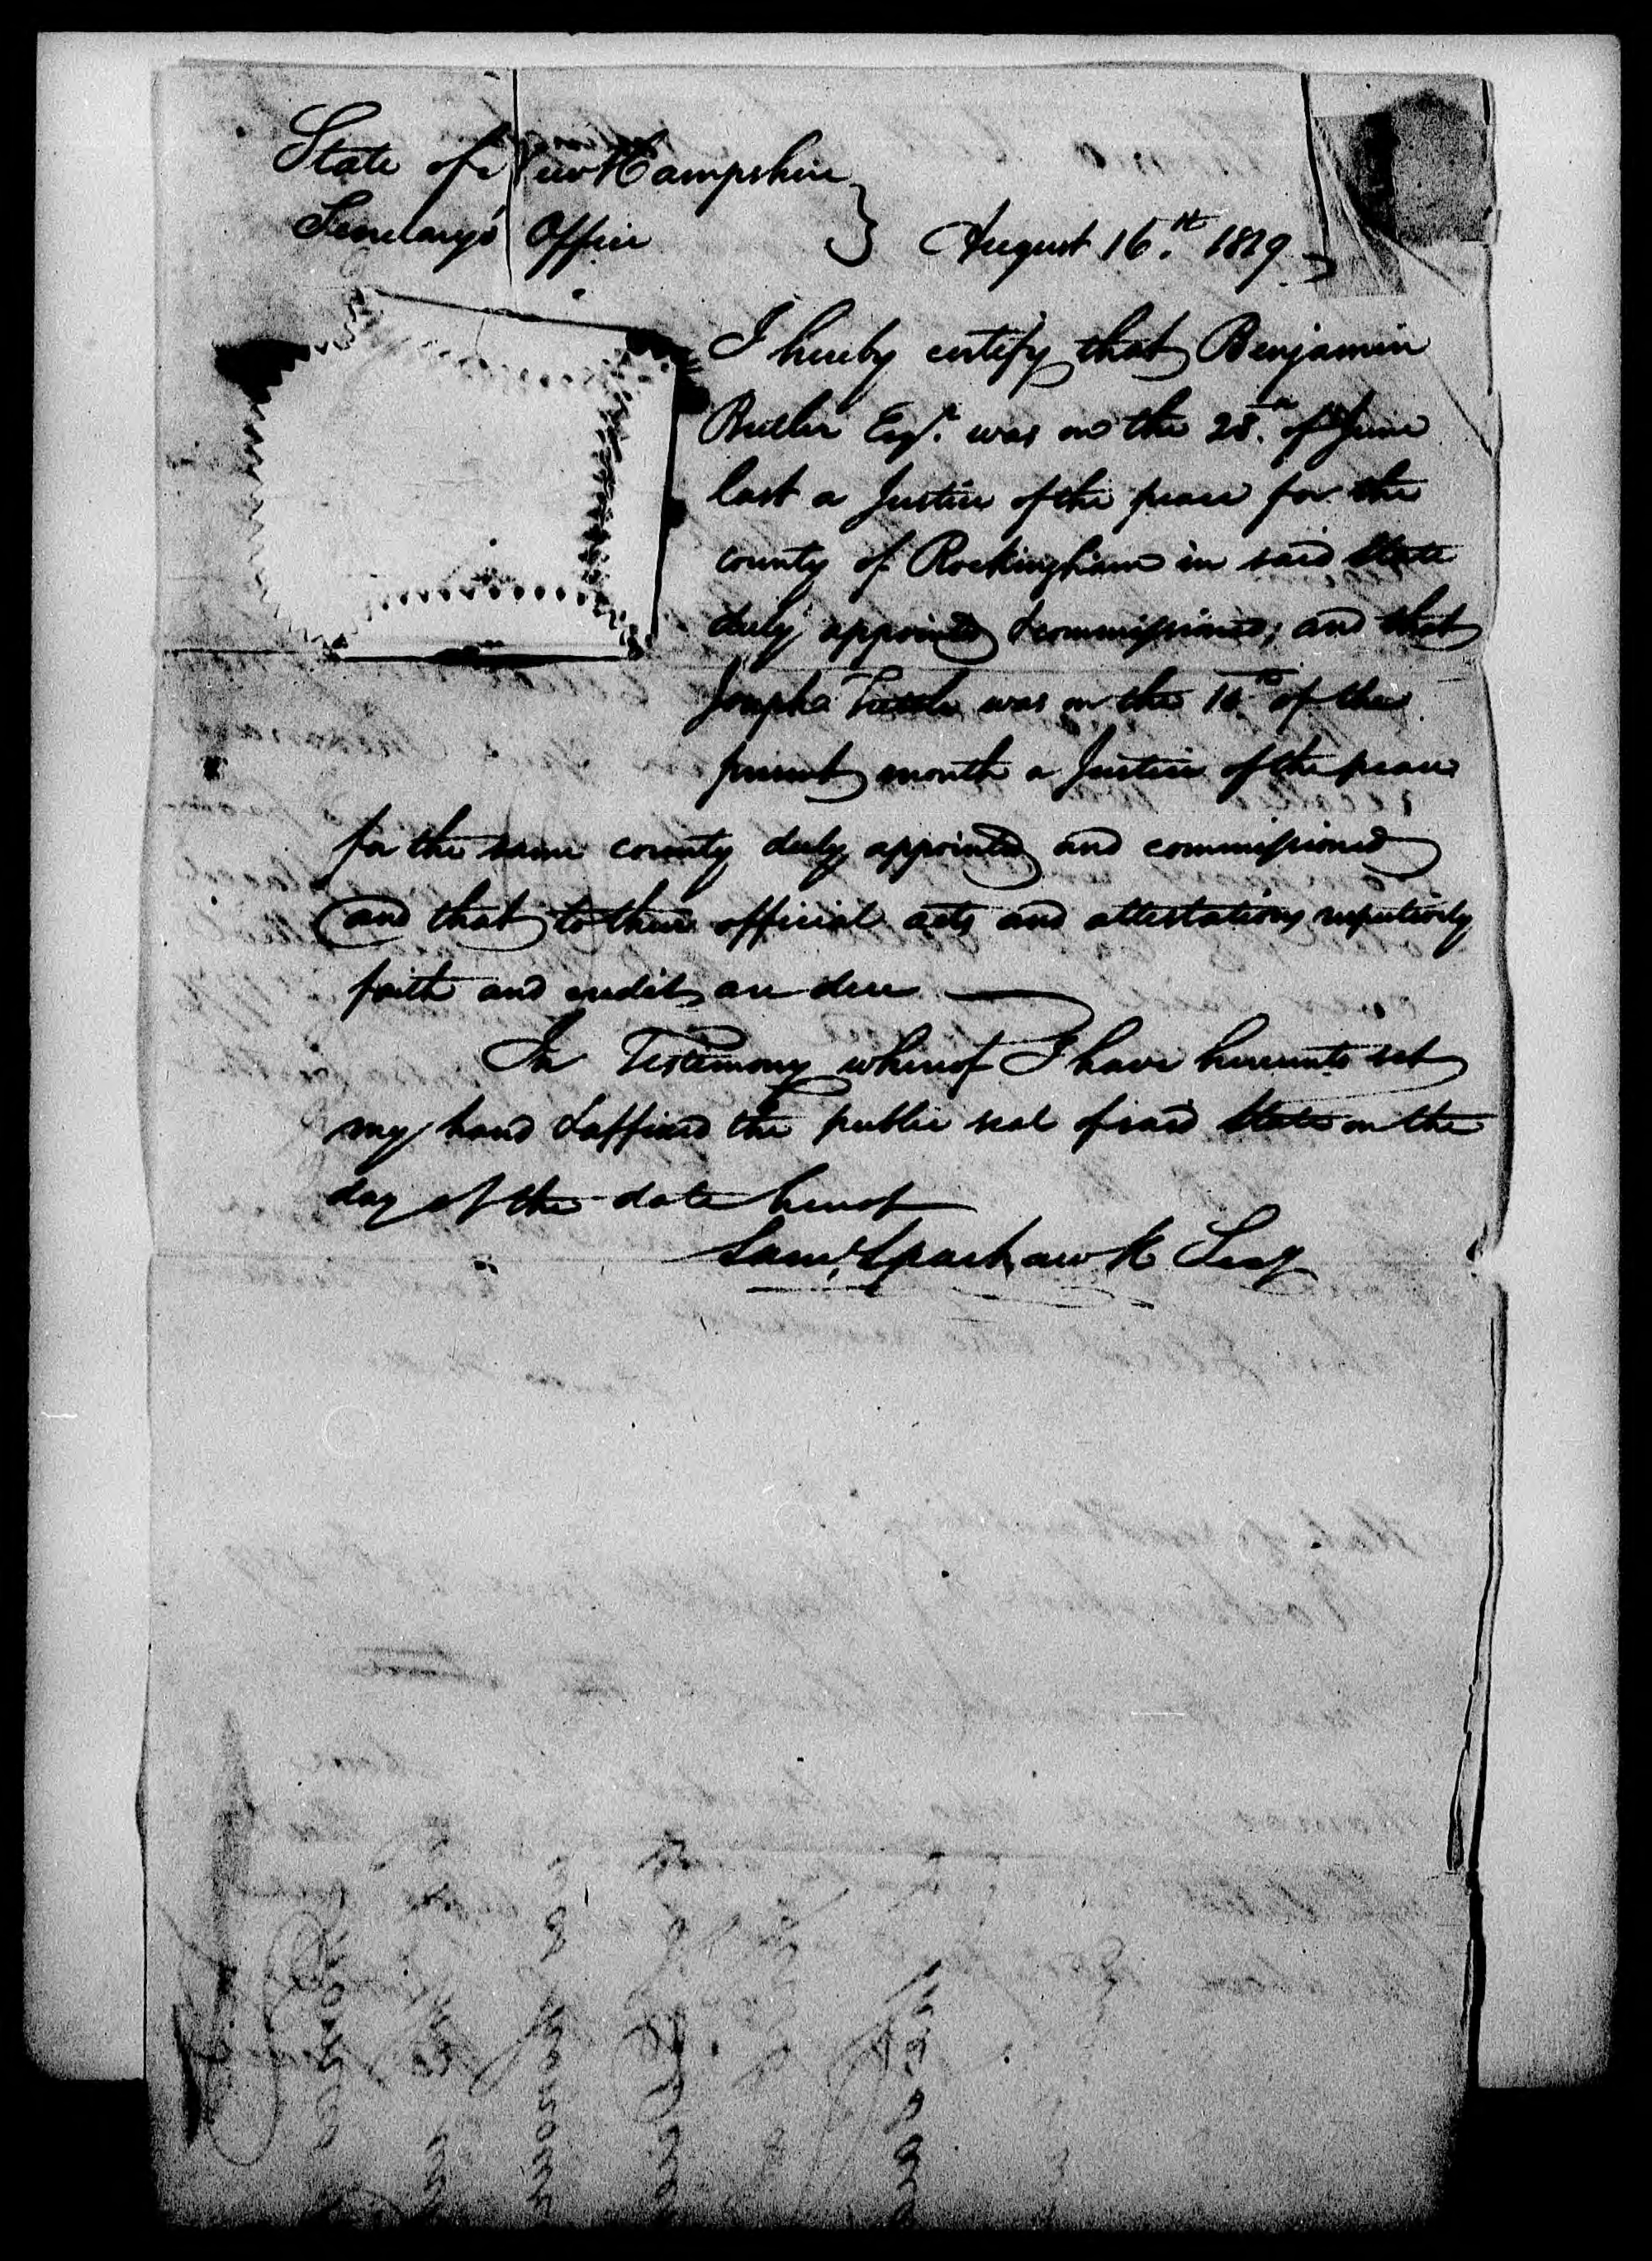State of
New Hampshire
Secretarys Office
August 16th 1819

I hereby certify that Benjamin
Butler Esq was on the 28th of June
last a Justice of the peace for the
County of Rockingham in said State
duly appointed & commissioned, and that
Joseph Tuttle was on the 18th of the
present month a Justice of the peace
for the same county duly appointed and commissioned
and that to their official acts and attestations respectively
faith and credit are due -
The Testimony whereof I have hereunto set
my hand & affixed the public seal of said State on the day of the date hereof
Saml Sparhawk Secy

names: Joseph Tuttle, Benjamin Butler, Saml Sparhawk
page: 8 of 57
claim: widow's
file: W. 16,114, John Elliot, Continental (Mass) N.H.